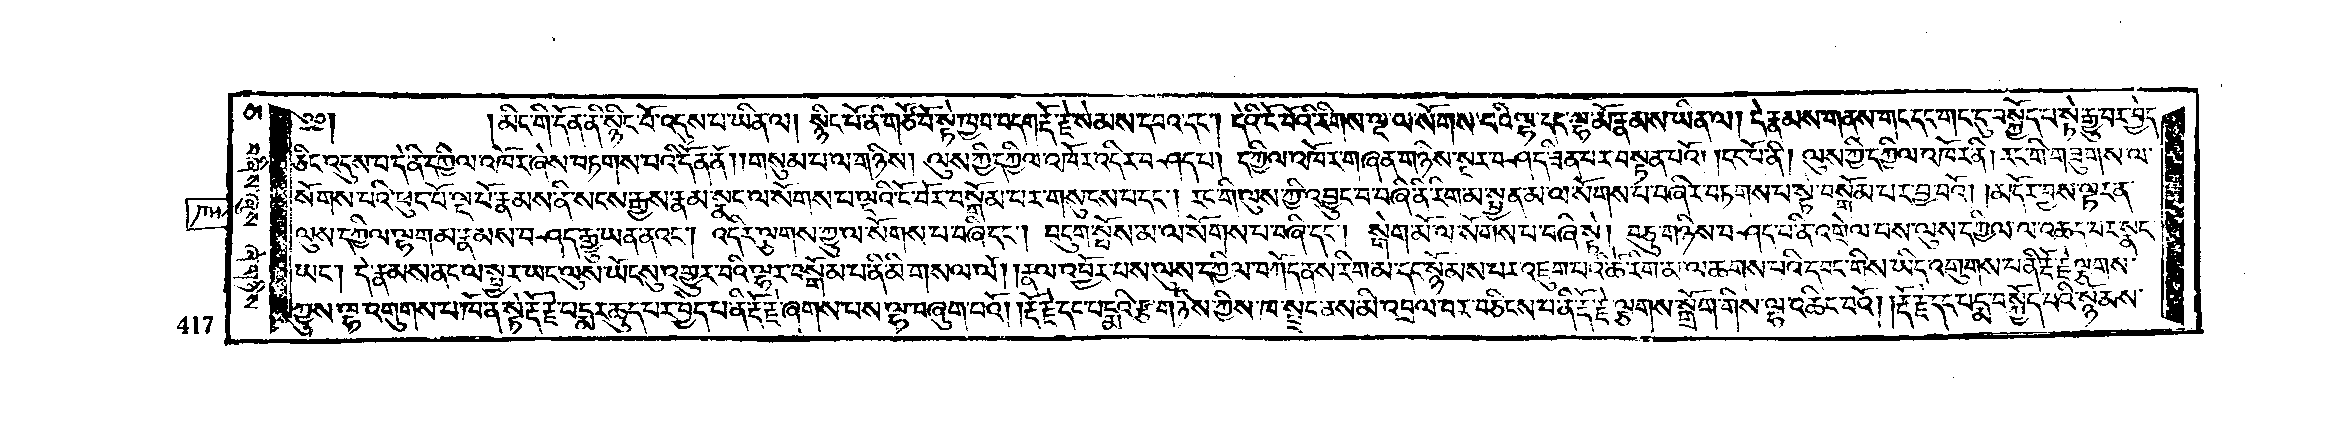༄༅། །མིང་གི་དོན་ནི་སྙིང་པོ་འདུས་པ་ཡིན་ལ། སྙིང་པོ་ནི་གཙོ་བོ་སྟེ་ཁྱབ་བདག་རྡོ་རྗེ་སེམས་དཔའ་དང་། དེའི་ངོ་བོའི་རིགས་ལྔ་ལ་སོགས་པའི་ལྷ་དང་ལྷ་མོ་རྣམས་ཡིན་ལ། དེ་རྣམས་གནས་གང་དང་གང་དུ་བསྐྱོད་པ་སྟེ་རྒྱུ་བར་བྱེད་
ཅིང་འདུས་པ་དེ་ནི་དཀྱིལ་འཁོར་ཞེས་བཏགས་པའི་དོན་ནོ། །གསུམ་པ་ལ་གཉིས། ལུས་ཀྱི་དཀྱིལ་འཁོར་འདིར་བཤད་པ། དཀྱིལ་འཁོར་གཞན་གཉིས་སྔར་བཤད་ཟིན་པར་བསྟན་པའོ། །དང་པོ་ནི། ལུས་ཀྱི་དཀྱིལ་འཁོར་ནི། རང་གི་གཟུགས་ལ་
སོགས་པའི་ཕུང་པོ་ལྔ་པོ་རྣམས་ནི་སངས་རྒྱས་རྣམ་སྣང་ལ་སོགས་པ་ལྔའི་ངོ་བོར་བསྒོམ་པར་གསུངས་པ་དང་། རང་གི་ལུས་ཀྱི་འབྱུང་བ་བཞི་ནི་རིག་མ་སྤྱན་མ་ལ་སོགས་པ་བཞིར་བཏགས་པ་སྟེ་བསྒོམ་པར་བྱ་བའོ། །མདོར་བྱས་ལྟར་ན་
ལུས་དཀྱིལ་ལྷག་མ་རྣམས་བཤད་རྒྱུ་ཡིན་ནའང་། འདིར་ལྕགས་ཀྱུ་ལ་སོགས་པ་བཞི་དང་། བདུག་སྤོས་མ་ལ་སོགས་པ་བཞི་དང་། སྒེག་མོ་ལ་སོགས་པ་བཞི་སྟེ། བཅུ་གཉིས་བཤད་པ་ནི་འགྲེལ་བས་ལུས་དཀྱིལ་ལ་འཆད་པར་སྣང་
ཡང་། དེ་རྣམས་ནང་ལ་སྦྱར་ཡང་ལུས་ཡོངས་སུ་འགྱུར་བའི་ལྷར་བསྒོམ་པ་ནི་མི་གསལ་ལོ། །རྣལ་འབྱོར་པས་ལུས་དཀྱིལ་བཀོད་ནས་རིག་མ་དང་སྙོམས་པར་འཇུག་པའི་ཚེ་རིག་མ་ལ་ཆགས་པའི་དབང་གིས་ཡིད་འགུགས་པ་ནི་རྡོ་རྗེ་ལྕགས་
ཀྱུས་ལྷ་འགུགས་པ་ཁོ་ན་སྟེ་རྡོ་རྗེ་པདམར་ཆུད་པར་བྱེད་པ་ནི་རྡོ་རྗེ་ཞགས་པས་ལྷ་བཞུག་པའོ། །རྡོ་རྗེ་དང་པདམའི་རྩ་གཉིས་ཀྱིས་ཁ་སྤྲད་ནས་མི་འབྲལ་བར་བཅིངས་པ་ནི་རྡོ་རྗེ་ལྕགས་སྒྲོག་གིས་ལྷ་འཆིང་བའོ། །རྡོ་རྗེ་དང་པདམ་བསྐྱོད་པའི་སྙོམས་